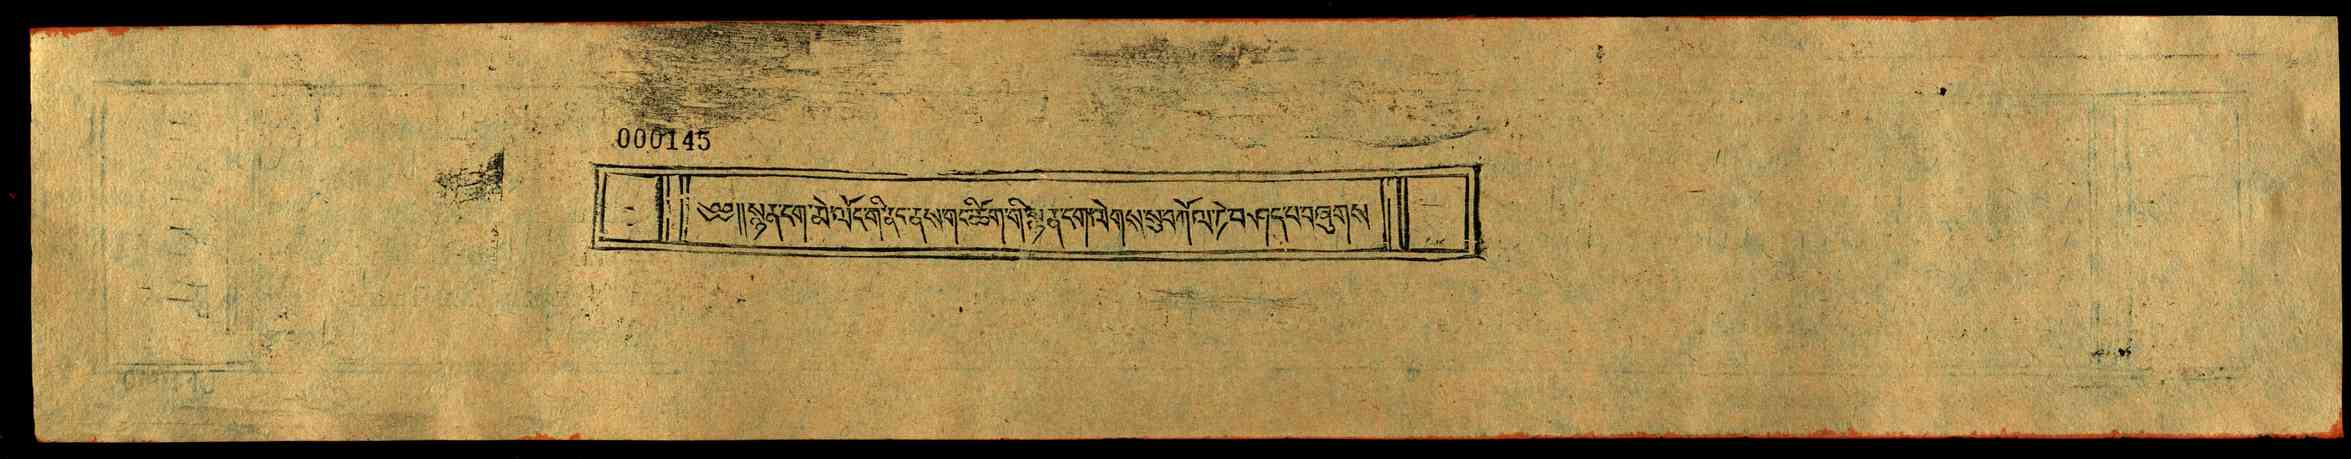༄༅། །སྙན་ངག་མེ་ལོང་གི་ནང་ནས་གབ་ཚིག་གི་སྙན་ངག་ལེགས་སུ་བཀོལ་ཏེ་བཤད་བ་བཞུགས།།